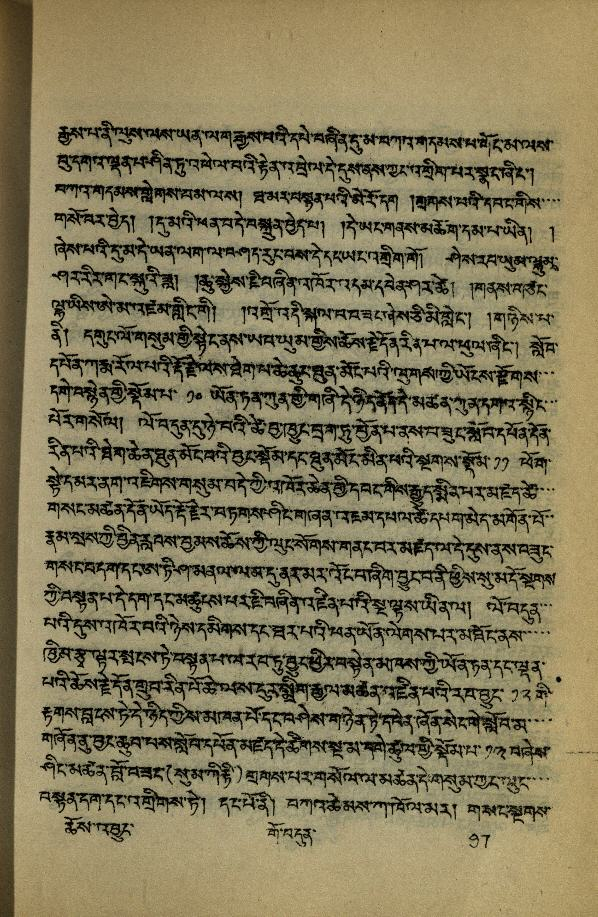རྒྱས་པ་ནི་ལུས་ལས་ཡན་ལག་རྒྱས་པའི་དཔེ་བཞིན་དུ་མ་བཀའ་གདམས་པ་གོང་མ་ལས་
བུ་དགའ་ལྡན་པ་ཤིན་ཏུ་འཕེལ་བའི་རྟེན་འབྲེལ་དེ་དུས་ནས་ཀྱང་འགྲིག་པར་སྣང་ཞིང་།
བཀའ་གདམས་གླེགས་བམ་ལས། ཐ་མར་བསྟན་པའི་མེ་རོ་དག །གྲགས་པའི་དབང་གིས་
གསོ་བར་བྱེད། །དུ་མའི་ཕན་བདེ་བསྐྲུན་བྱེད་པ། །དེ་ཡང་གནས་མཆོག་དམ་པ་ཡིན། །
ཞེས་པའི་དུ་མ་དེ་ཡན་ལག་ལ་བཤད་རུང་བས་དེ་དང་ཡང་འགྲིག་གོ། ཤེས་རབ་ཡུམ་ལྷུམས་
ཤར་རིར་གང་སྐུའི་ཟླ། །ཆུ་སྐྱེས་ཇི་བཞིན་འཁོར་འདམ་དབེན་ཤར་ཚེ། །གནས་གཙང་
ལྷ་ཡིས་ཨེ་མ་འཛམ་གླིང་གི། །འགྲོ་འདི་སྐལ་བ་བཟང་ཞེས་ཅི་མི་གླེང་། །གཉིས་པ་
ནི། དགུང་ལོ་གསུམ་གྱི་སྟེང་ནས་ཡབ་ཡུམ་གྱིས་ཆོས་རྗེ་དོན་རིན་པ་ལ་ཕུལ་ཞིང་། སློབ་
དཔོན་ཀརྨ་རོལ་པའི་རྡོ་རྗེ་ལས་ཐེག་པ་ཆེ་ཆུང་ཐུན་མོང་པའི་ལུགས་ཀྱི་ཡོངས་རྫོགས་
དགེ་བསྙེན་གྱི་སྡོམ་པ ༡༠་ཡོན་ཏན་ཀུན་གྱི་གཞི་དེ་ཉིད་ནོད་དེ་མཚན་ཀུན་དགའ་སྙིང་
པོར་གསོལ། ལོ་བདུན་དུ་ཉེ་བའི་ཚེ་བྱ་ཁྱུང་བྲག་ཏུ་བྱོན་པ་ནས་བཟུང་སློབ་དཔོན་དོན་
རིན་པའི་ཐེག་ཆེན་ཐུན་མོང་བའི་བྱང་སྡོམ་དང་ཐུན་མོང་མིན་པའི་སྔགས་སྡོམ ༡༡་ཕོག་
སྟེ་དམར་ནག་འཇིགས་གསུམ་བདེ་ཀྱི་འཁོར་ཆེན་གྱི་དབང་གིས་རྒྱུད་སྨིན་པར་མཛད་ཚེ་
གསང་མཚན་དོན་ཡོད་རྡོ་རྗེར་བཏགས་ཤིང་གཞན་འཇམ་དཔལ་ཚེ་དཔག་མེད་མགོན་པོ་
རྣམ་སྲས་ཀྱི་བྱིན་རླབས་བྱམས་ཆོས་ཀྱི་ལུང་སོགས་གནང་བར་མཛད་ལ་དེ་དུས་ནས་བཟུང་
གསང་བདག་དང་ཨ་ཏི་ཤ་མན་ལ་ལམ་དུ་ནར་མར་འོང་བ་ཞིག་བྱུང་བ་ནི་ཕྱིས་སུ་མདོ་སྔགས་
ཀྱི་བསྟན་པ་དེ་དག་དང་མཚུངས་པར་ཇི་བཞིན་འཛིན་པའི་སྔ་ལྟས་ཡིན་ལ། ལོ་བདུན་
པའི་དུས་འཁོར་བའི་ཉེས་དམིགས་དང་ཐར་པའི་ཕན་ཡོན་ལེགས་པར་མཐོང་ནས་
ཁྱིམ་རྩྭ་ལྟར་སྤངས་ཏེ་བསྟན་པ་ལ་རབ་ཏུ་བྱུང་ཕྱིར་བསྟེན་མཁས་ཀྱི་ཡོན་ཏན་དང་ལྡན་
པའི་ཆོས་རྗེ་དོན་གྲུབ་རིན་པོ་ཆེ་ལས་དུར་སྨྲིག་རྒྱལ་མཚན་འཛིན་པའི་རབ་བྱུང ༡༢་གི་
རྟགས་བླངས་ཏེ་དེ་ཉིད་ཀྱིས་མཁན་པོ་དང་བཤེས་གཉེན་ཏེ་དབེན་ཞོན་སེང་གེ་སློབ་མ་
གཞོན་ནུ་བྱང་ཆུབ་པས་སློབ་དཔོན་མཛད་དེ་ཚིགས་སྔ་མ་དགེ་ཚུལ་གྱི་སྡོམ་པ ༡༣་བཞེས་
ཤིང་མཚན་བློ་བཟང་སུ་མ་ཀིརྟི་གྲགས་པར་གསོལ་ལ་མཚན་དེ་གསུམ་ཀྱང་ལུང་
བསྟན་དག་དང་འགྲིགས་ཏེ། དང་པོ་ནི། བཀའ་ཆེ་མས་ཀ་ཁོལ་མར། གསང་སྔགས་